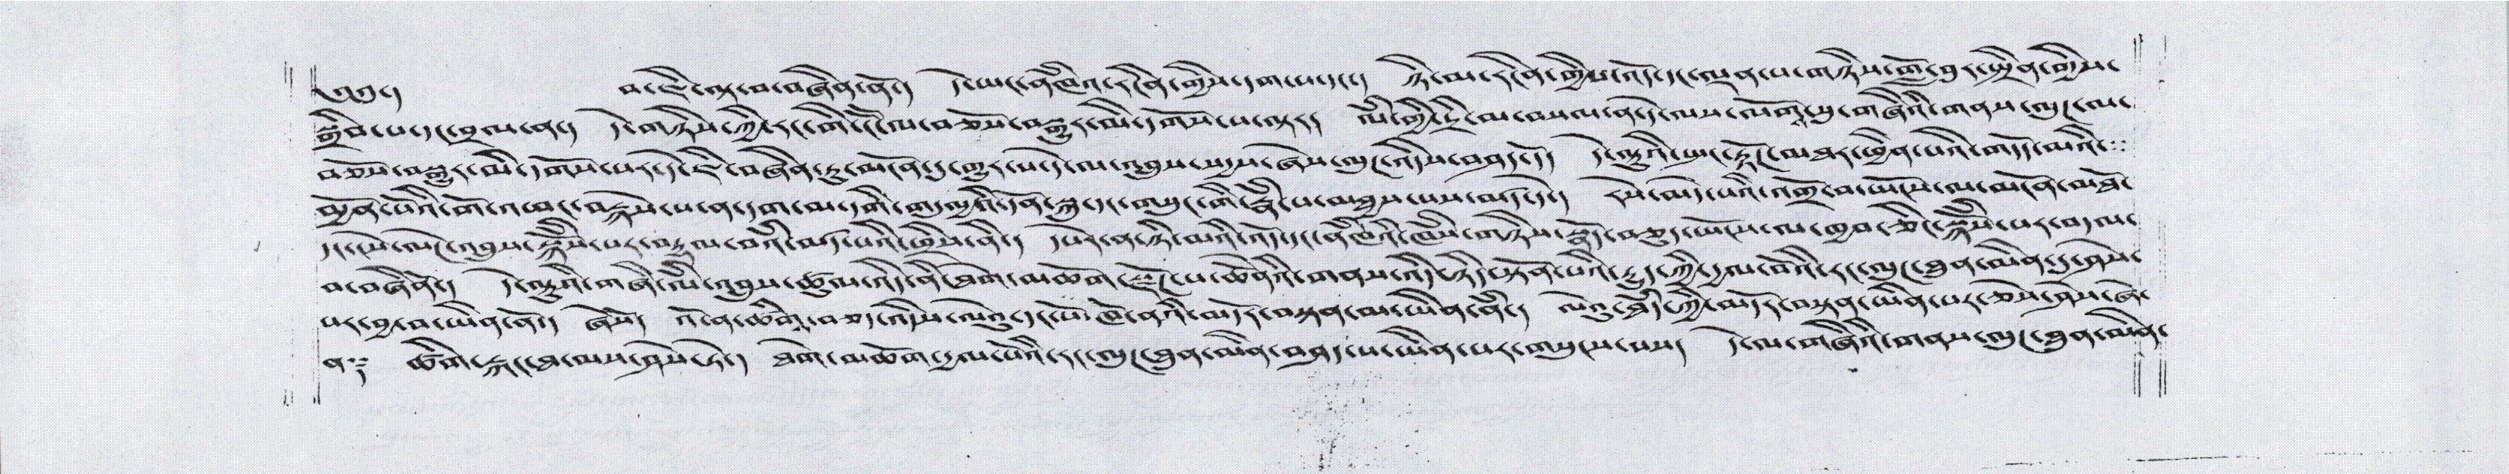བ་ཇི་ལྟ་བ་བཞིན་ནོ། དེ་ཡང་ནམ་མཁའ་རང་བཞིན་གྱིས་དག་པ་དང་ཉི་མ་རང་བཞིན་གྱིས་འོད་དང་ལྡན་པ་གཉིས་གློ་བུར་སྤྲིན་གྱིས་
སྒྲིབ་པ་དང་བྲལ་ན་དེ་གཉིས་ཀྱི་ངོ་བོ་ལ་བཅོས་སྒྱུར་མི་དགོས་པར་ལམ་གྱི་དྲི་མ་བསལ་ན་དེ་ལས་ལོགས་སུ་གཞིའི་གནས་ལུགས་ལ
བཅོས་བསྒྱུར་མི་དགོས་པར་དེ་ཇི་བཞིན་དུ་མངོན་དུ་གྱུར་པ་དེ་ལ་འབྲས་བུ་སངས་རྒྱས་ཞེས་ལུགས་འདིས་བཤད་དོ། དེ་ལྟ་བུའི་སྤང་རྟོགས་མཐར་ཕྱིན་པའི་གདོད་མའི་
མགོན་པོའི་གོ་འཕང་བརྙེས་པ་ན་དག་མ་དག་གི་གདུལ་བྱའི་དོན་སྐུ་དང་གསུང་གི་རྣམ་པ་མཐའ་ཡས་པ་མཛད་དེ། རིས་མེད་པའི་འགྲོ་བ་ཡོངས་ལ་མངོན་མཐོ་
དང་ངེས་ལེགས་འབྲས་བུ་སྙོམས་པར་བདལ་པའམ་མཛད་པའི་འཕྲིན་ལས་ནི། དཔེར་ན་ཉི་མའི་འོད་དང་ནམ་མཁའི་ཁམས་གཉིས་སྣོད་བཅུད་ཡོངས་ལ་ཁྱབ་ཅིང་སྙོམས་པར་བདལ་
བ་བཞིན་ནོ། དེ་ལྟ་བུ་གཞི་ལམ་འབྲས་བུ་ཚུལ་འདི་ནི་ཐེག་མཆོག་རྫོགས་པ་ཆེན་པོའི་གནས་འདི་ཉིད་སྟོན་པའི་རྒྱུད་ཀྱི་རྒྱལ་པོའི་རང་ལུགས་ཐུན་མིན་དུ་ཤེས་
པར་བྱ་བ་ཡིན་ནོ། ཞེས་སོ། འོ་ན་ཚིགས་བཅད་འདིའི་ལེའུ་དང་པོ་ཁོ་ནའི་མདོར་བསྟན་མ་ཡིན་ནམ། ལེའུ་ཐམས་ཅད་ཀྱི་མདོར་བསྟན་ཡིན་པར་ཅིས་ཤེས་ཤེ་
ན། ཚིག་རྐང་ཐ་མས་ཤེས་ཏེ། ཐེག་མཆོག་རྒྱལ་པོའི་རང་ལུགས་ཐུན་མིན་བཤད་པ་ཡིན་པར་གསུངས་པས། དེ་ལ་གཞིའི་གནས་ལུགས་ཐུན་མིན་